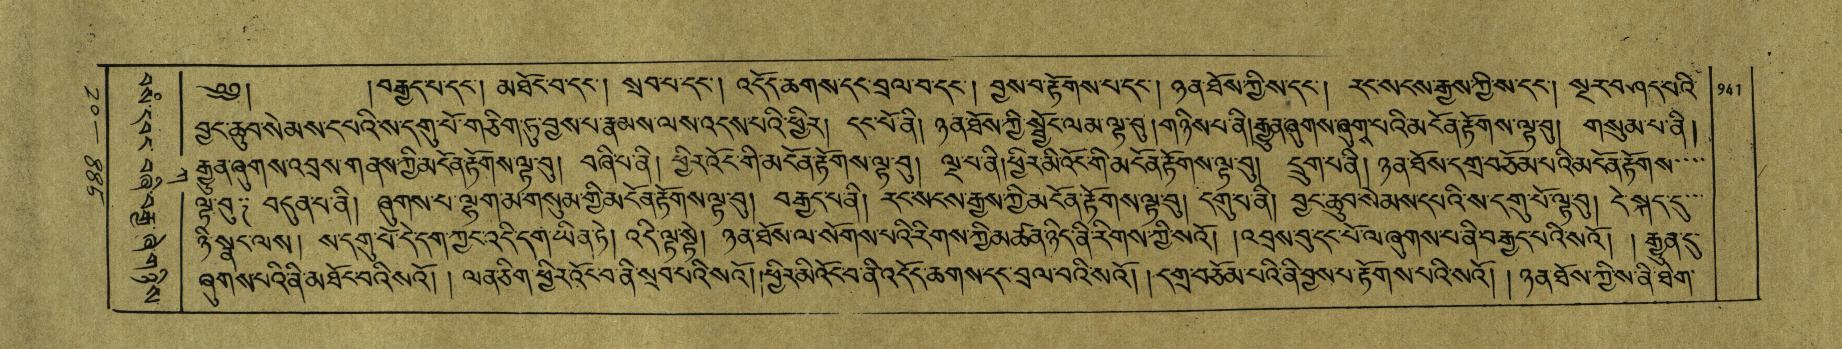༄༅། །བརྒྱད་པ་དང་། མཐོང་བ་དང་། སྲབ་པ་དང་། འདོད་ཆགས་དང་བྲལ་བ་དང་། བྱས་བ་རྟོགས་པ་དང་། ཉན་ཐོས་ཀྱི་ས་དང་། རང་སངས་རྒྱས་ཀྱི་ས་དང་། སྔར་བཤད་པའི་
བྱང་ཆུབ་སེམས་དཔའི་ས་དགུ་པོ་གཅིག་ཏུ་བྱས་པ་རྣམས་ལས་འདས་པའི་ཕྱིར། དང་པོ་ནི། ཉན་ཐོས་ཀྱི་སྦྱོང་ལམ་ལྟ་བུ། གཉིས་པ་ནི། རྒྱུན་ཞུགས་ཞུགས་པའི་མངོན་རྟོགས་ལྟ་བུ། གསུམ་པ་ནི།
རྒྱུན་ཞུགས་འབྲས་གནས་ཀྱི་མངོན་རྟོགས་ལྟ་བུ། བཞི་པ་ནི། ཕྱིར་འོང་གི་མངོན་རྟོགས་ལྟ་བུ། ལྔ་པ་ནི། ཕྱིར་མི་འོང་གི་མངོན་རྟོགས་ལྟ་བུ། དྲུག་པ་ནི། ཉན་ཐོས་དགྲ་བཅོམ་པའི་མངོན་རྟོགས་
ལྟ་བུ༑ བདུན་པ་ནི། ཞུགས་པ་ལྷག་མ་གསུམ་གྱི་མངོན་རྟོགས་ལྟ་བུ། བརྒྱད་པ་ནི། རང་སངས་རྒྱས་ཀྱི་མངོན་རྟོགས་ལྟ་བུ། དགུ་པ་ནི། བྱང་ཆུབ་སེམས་དཔའི་ས་དགུ་པོ་ལྟ་བུ། དེ་སྐད་དུ་
ཉི་སྣང་ལས། ས་དགུ་པོ་དེ་དག་ཀྱང་འདི་དག་ཡིན་ཏེ། འདི་ལྟ་སྟེ། ཉན་ཐོས་ལ་སོགས་པའི་རིགས་ཀྱི་མཚན་ཉིད་ནི་རིགས་ཀྱི་སའོ། །འབྲས་བུ་དང་པོ་ལ་ཞུགས་པ་ནི་བརྒྱད་པའི་སའོ། །རྒྱུན་དུ་
ཞུགས་པའི་ནི་མཐོང་བའི་སའོ། །ལན་ཅིག་ཕྱིར་འོང་བ་ནི་སྲབ་པའི་སའོ། །ཕྱིར་མི་འོང་བ་ནི་འདོད་ཆགས་དང་བྲལ་བའི་སའོ། །དགྲ་བཅོམ་པའི་ནི་བྱས་པ་རྟོགས་པའི་སའོ། །ཉན་ཐོས་ཀྱི་ས་ནི་ཐེག་